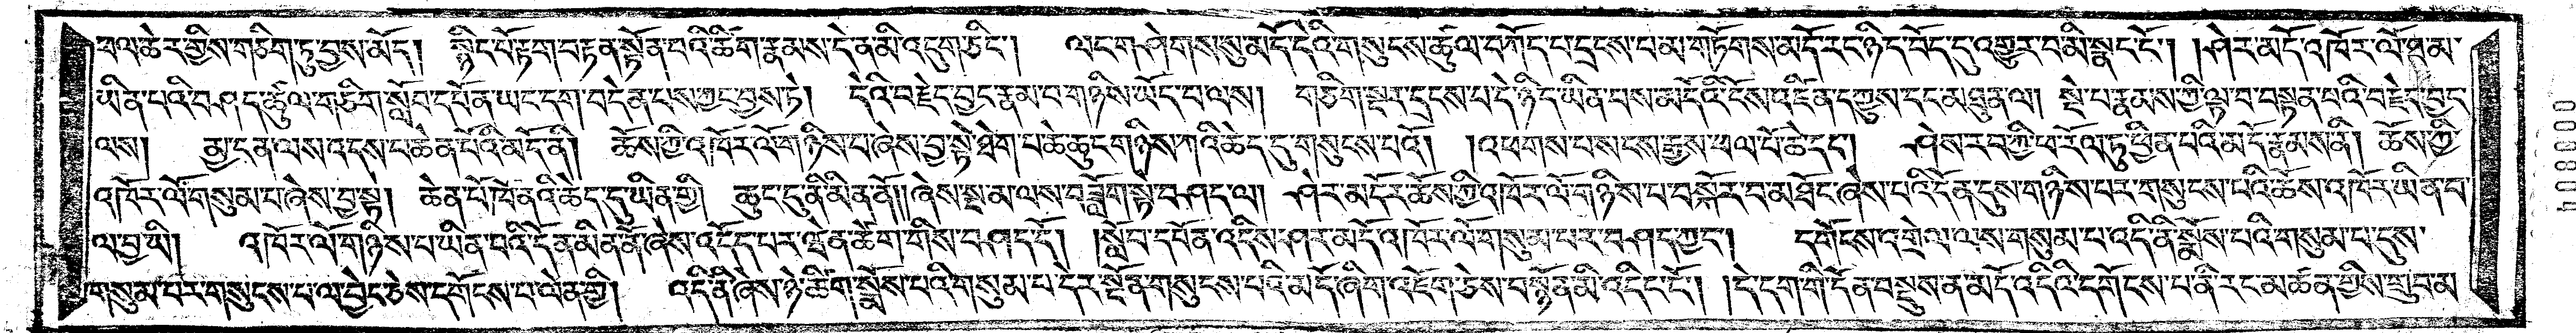ཕལ་ཆེར་གྱིས་གཅིག་ཏུ་བྱས་མོད། སྙིང་པོ་རྟག་བརྟན་སྟོན་པའི་ཚིག་རྣམས་དེ་ན་མི་འདུག་ཅིང་། ལང་གཤེགས་སུ་མདོ་དེའི་གསུངས་ཚུལ་བཀོད་པ་དྲངས་པ་མ་གཏོགས་མདོ་རང་ཉིད་བོད་དུ་འགྱུར་བ་མི་སྣང་ངོ། །ཤེར་མདོ་འཁོར་ལོ་ཐ་མ་
ཡིན་པའི་བཤད་ཚུལ་གཅིག་སློབ་དཔོན་ཡང་དག་བདེན་པས་ཀྱང་བྱས་ཏེ། དེའི་བརྗེད་བྱང་རྣམ་པ་གཉིས་ཡོད་པ་ལས། གཅིག་སྔར་དྲངས་པ་དེ་ཉིད་ཡིན་པས་མདོའི་ངོས་འཛིན་དཀྱུས་དང་མཐུན་ལ། སྡེ་པ་རྣམས་ཀྱི་ལྟ་བ་བསྟན་པའི་བརྗེད་བྱང་
ལས། མྱ་ངན་ལས་འདས་པ་ཆེན་པོའི་མདོ་ནི། ཆོས་ཀྱི་འཁོར་ལོ་གཉིས་པ་ཞེས་བྱ་སྟེ་ཐེག་པ་ཆེ་ཆུང་གཉིས་ཀའི་ཆེད་དུ་གསུངས་པའོ། །འཕགས་པ་སངས་རྒྱས་ཕལ་པོ་ཆེ་དང་། ཤེས་རབ་ཀྱི་ཕ་རོལ་ཏུ་ཕྱིན་པའི་མདོ་རྣམས་ནི། ཆོས་ཀྱི་
འཁོར་ལོ་གསུམ་པ་ཞེས་བྱ་སྟེ། ཆེན་པོ་ཁོ་ནའི་ཆེད་དུ་ཡིན་གྱི། ཆུང་ངུ་ནི་མིན་ནོ། །ཞེས་སྔ་མ་ལས་བཟློག་སྟེ་བཤད་ལ། ཤེར་མདོར་ཆོས་ཀྱི་འཁོར་ལོ་གཉིས་པ་བསྐོར་བ་མཐོང་ཞེས་པའི་དོན་དུས་གཉིས་པར་གསུངས་པའི་ཆོས་འཁོར་ཡིན་པ་
ལ་བྱ་ཡི། འཁོར་ལོ་གཉིས་པ་ཡིན་པའི་དོན་མིན་ནོ་ཞེས་འདོད་པར་ཝེན་ཚིག་གིས་བཤད་དོ། །སློབ་དཔོན་འདིས་ཤེར་མདོ་འཁོར་ལོ་གསུམ་པར་བཤད་ཀྱང་། དགོངས་འགྲེལ་ལས་གསུམ་པ་འདི་ནི་སྨོས་པའི་གསུམ་པ་དུས་
གསུམ་པར་གསུངས་པ་ལ་བྱེད་ཅེས་དགོངས་པ་ལེན་གྱི། འདི་ནི་ཞེས་ཉེ་ཚིག་སྨོས་པའི་གསུམ་པ་དེར་སྔོན་གསུངས་པའི་མདོ་ཞིག་འཇོག་ཅེས་བསྙོན་མི་འདིང་ངོ། །དེ་དག་གི་དོན་བསྡུས་ན་མདོ་འདིའི་དགོངས་པ་ནི་རང་མཚན་གྱིས་གྲུབ་མ་